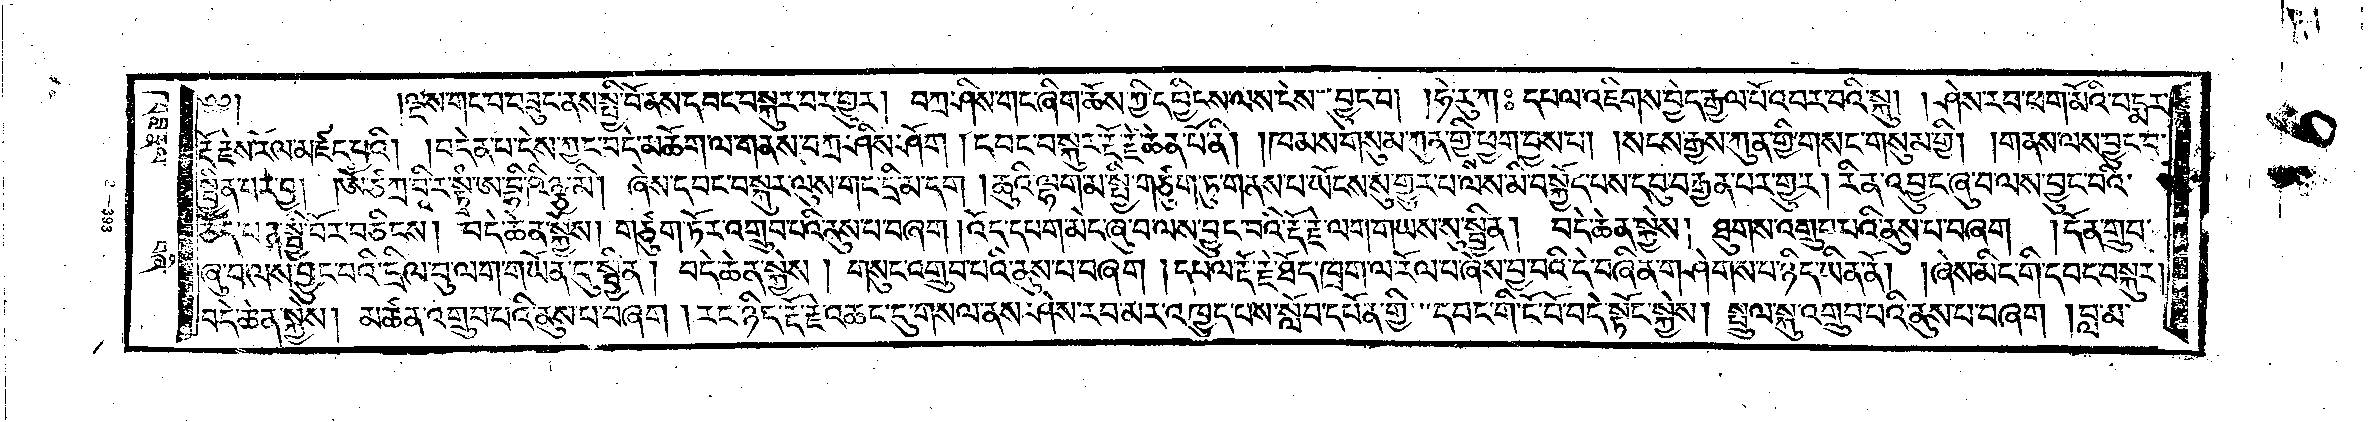༄༅། །ལྔས་གང་བ་བཟུང་ནས་སྤྱི་བོ་ནས་དབང་བསྐུར་བར་གྱུར། བཀྲ་ཤིས་གང་ཞིག་ཆོས་ཀྱི་དབྱིངས་ལས་ངེས་བྱུང་བ། །ཧེ་རུ་ཀཿདཔལ་འཇིགས་བྱེད་རྒྱལ་པོ་འབར་བའི་སྐུ། །ཤེས་རབ་ཕག་མོའི་པདམར་
རྡོ་རྗེས་རོལ་མཛད་པའི། །བདེན་པ་ངེས་ཀྱང་བདེ་མཆོག་ལ་གནས་བཀྲ་ཤིས་ཤོག །དབང་བསྐུར་རྡོ་རྗེ་ཆེན་པོ་ནི། །ཁམས་གསུམ་ཀུན་གྱི་ཕྱག་བྱས་པ། །སངས་རྒྱས་ཀུན་གྱི་གསང་གསུམ་གྱི། །གནས་ལས་བྱུང་བ་
སྤྱིན་པར་བྱ། །ཨོཾ་ཙ་ཀྲ་བཱི་ར་སྟྭཾ་ཨ་བྷི་ཥིཉྩ་མི། ཞེས་དབང་བསྐུར་ལུས་གང་དྲི་མ་དག །ཆུའི་ལྷག་མ་སྤྱི་གཙུག་ཏུ་གནས་པ་ཡོངས་སུ་གྱུར་པ་ལས་མི་བསྐྱོད་པས་དབུ་བརྒྱན་པར་གྱུར་།རིན་འབྱུང་ཞུ་བ་ལས་བྱུང་བའི་
ཅོད་པན་སྤྱི་བོར་བཅིངས། བདེ་ཆེན་སྐྱོས། གཙུག་ཏོར་འགྲུབ་པའི་ནུས་པ་བཞག །འོད་དཔག་མེད་ཞུ་བ་ལས་བྱུང་བའི་རྡོ་རྗེ་ལག་གཡས་སུ་སྦྱིན། བདེ་ཆེན་སྐྱེས། ཐུགས་འགྲུབ་པའི་ནུས་པ་བཞག །དོན་གྲུབ་
ཞུ་བ་ལས་བྱུང་བའི་དྲིལ་བུ་ལག་གཡོན་དུ་སྦྱིན། བདེ་ཆེན་སྐྱེས་།གསུང་འགྲུབ་པའི་ནུས་པ་བཞག །དཔལ་རྡོ་རྗེ་ཐོད་ཁྲག་ལ་རོལ་པ་ཞེས་བྱ་བའི་དེ་བཞིན་གཤེགས་པ་ཉིད་ཡིན་ནོ། །ཞེས་མིང་གི་དབང་བསྐུར།
བདེ་ཆེན་སྐྱེས། མཚན་འགྲུབ་པའི་ནུས་པ་བཞག །རང་ཉིད་རྡོ་རྗེ་འཆང་དུ་གསལ་ནས་ཤེས་རབ་མར་འཁྱུད་པས་སློབ་དཔོན་གྱི་དབང་གི་ངོ་བོ་བདེ་སྟོང་སྐྱེས། སྤྲུལ་སྐུ་འགྲུབ་པའི་ནུས་པ་བཞག །བླ་མ་